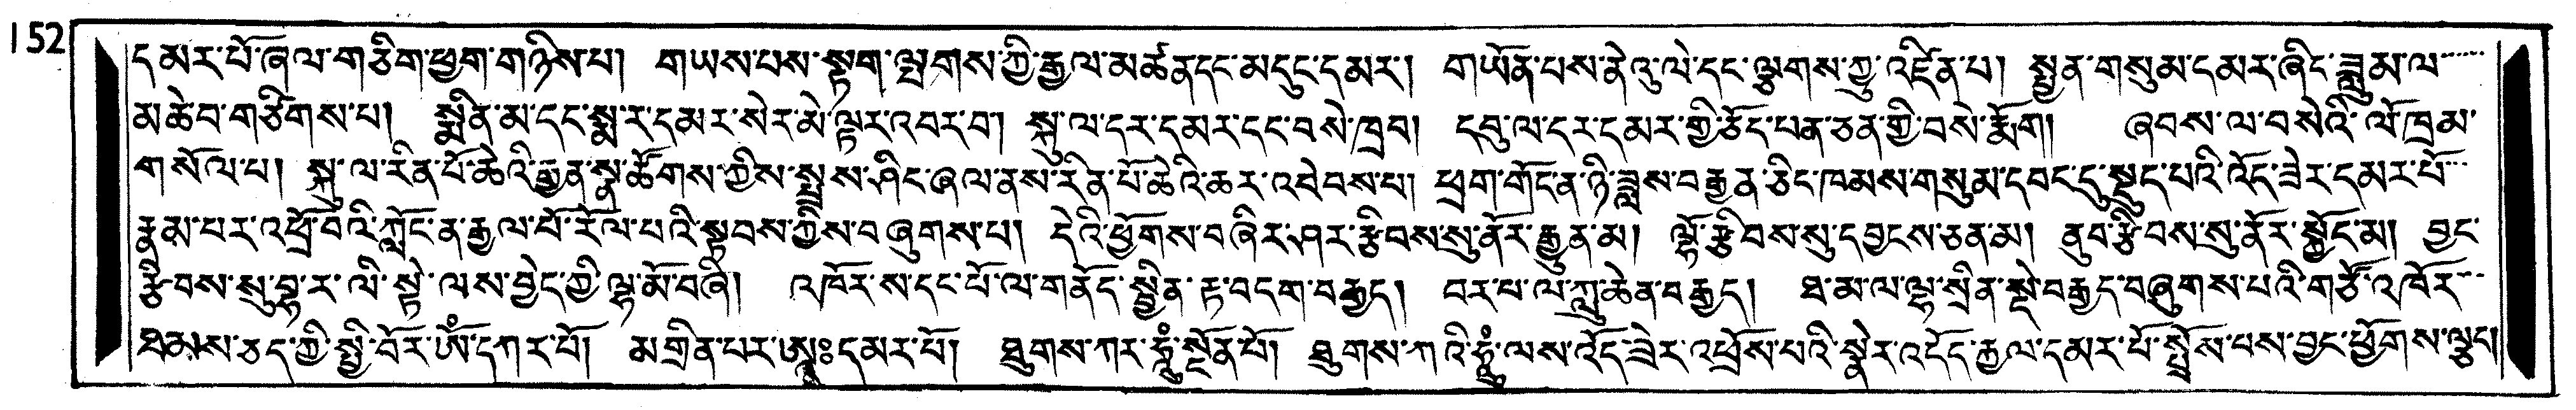དམར་པོ་ཞལ་གཅིག་ཕྱག་གཉིས་པ། གཡས་པས་སྟག་ལྤགས་ཀྱི་རྒྱལ་མཚན་དང་མདུང་དམར། གཡོན་པས་ནེའུ་ལེ་དང་ལྕགས་ཀྱུ་འཛིན་པ། སྤྱན་གསུམ་དམར་ཞིང་ཟླུམ་ལ་
མཆེ་བ་གཙིགས་པ། སྨིན་མ་དང་སྨ་ར་དམར་སེར་མེ་ལྟར་འབར་བ། སྐུ་ལ་དར་དམར་དང་བསེ་ཁྲབ། དབུ་ལ་དར་དམར་གྱི་ཅོད་པཎ་ཅན་གྱི་བསེ་རྨོག །ཞབས་ལ་བསེའི་ལོ་ཁྲམ་
གསོལ་པ། སྐུ་ལ་རིན་པོ་ཆེའི་རྒྱན་སྣ་ཚོགས་ཀྱིས་སྤྲས་ཤིང་ཞལ་ནས་རིན་པོ་ཆེའི་ཆར་འབེབས་པ། ཕྲག་གོང་ན་ཉི་ཟླས་བརྒྱན་ཅིང་ཁམས་གསུམ་དབང་དུ་སྡུད་པའི་འོད་ཟེར་དམར་པོ་རྣམ་པར་འཕྲོ་བའི་ཀློང་ན་རྒྱལ་པོ་རོལ་པའི་སྟབས་ཀྱིས་བཞུགས་པ། དེའི་ཕྱོགས་བཞིར་ཤར་རྩིབས་སུ་ནོར་རྒྱུན་མ། ལྷོ་རྩིབས་སུ་དབྱངས་ཅན་མ། ནུབ་རྩིབས་སུ་ནོར་སྐྱོང་མ། བྱང་
རྩིབས་སུ་བྷ་ར་ལི་སྟེ་ལས་བྱེད་ཀྱི་ལྷ་མོ་བཞི། འཁོར་ས་དང་པོ་ལ་གནོད་སྦྱིན་རྟ་བདག་བརྒྱད། བར་པ་ལ་ཀླུ་ཆེན་བརྒྱད། ཐ་མ་ལ་ལྷ་སྲིན་སྡེ་བརྒྱད་བཞུགས་པའི་གཙོ་འཁོར་
ཐམས་ཅད་ཀྱི་སྤྱི་བོར་ཨོཾ་དཀར་པོ། མགྲིན་པར་ཨཱཿ དམར་པོ། ཐུགས་ཀར་ཧཱུཾ་སྔོན་པོ། ཐུགས་ཀར་ཧཱུཾ་ལས་འོད་ཟེར་འཕྲོས་པའི་སྣེར་འདོད་རྐྱལ་དམར་པོ་སྤྲོས་པས་བྱང་ཕྱོགས་ལྕང་།